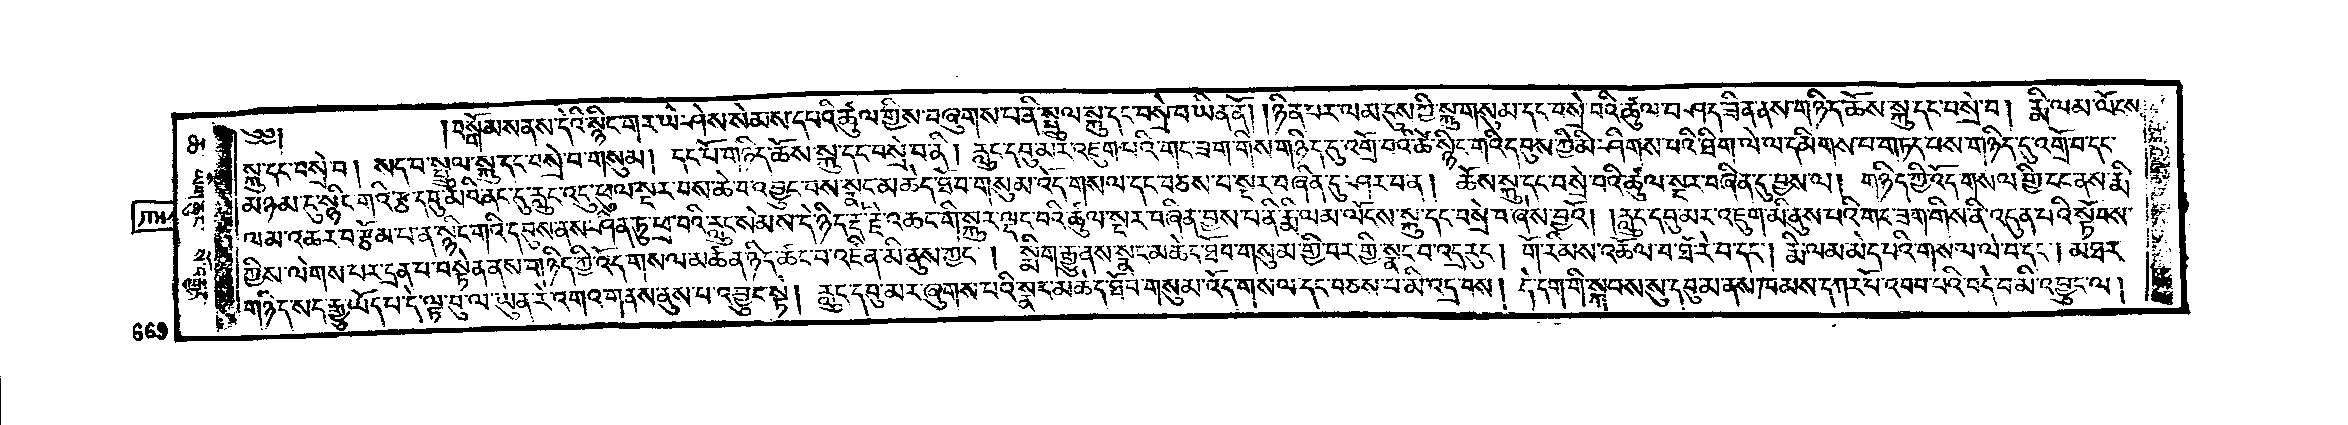༄༅། །བསྒོམས་ནས་དེའི་སྙིང་གར་ཡེ་ཤེས་སེམས་དཔའི་ཚུལ་གྱིས་བཞུགས་པ་ནི་སྤྲུལ་སྐུ་དང་བསྲེ་བ་ཡིན་ནོ། །ཉིན་པར་ལམ་དུས་ཀྱི་སྐུ་གསུམ་དང་བསྲེ་བའི་ཚུལ་བཤད་ཟིན་ནས་གཉིད་ཆོས་སྐུ་དང་བསྲེ་བ། རྨི་ལམ་ལོངས་
སྐུ་དང་བསྲེ་བ། སད་བ་སྤྲུལ་སྐུ་དང་བསྲེ་བ་གསུམ། དང་པོ་གཉིད་ཆོས་སྐུ་དང་བསྲེ་བ་ནི། རླུང་དབུ་མར་འཇུག་པའི་གང་ཟག་གིས་གཉིད་དུ་འགྲོ་བའི་ཚེ་སྙིང་གའི་དབུས་ཀྱི་མི་ཤིགས་པའི་ཐིག་ལེ་ལ་དམིགས་པ་གཏད་པས་གཉིད་དུ་འགྲོ་བ་དང་
མཉམ་དུ་སྙིང་གའི་རྩ་དབུ་མའི་ནང་དུ་རླུང་འདུ་ཕུལ་སྔར་བས་ཆེ་བ་འབྱུང་བས་སྣང་མཆེད་ཐོང་གསུམ་འོད་གསལ་དང་བཅས་པ་སྔར་བཞིན་དུ་ཤར་བ་ན། ཆོས་སྐུ་དང་བསྲེ་བའི་ཚུལ་སྔར་བཞིན་དུ་བྱས་ལ། གཉིད་ཀྱི་འོད་གསལ་གྱི་ངང་ནས་རྨི་
ལམ་འཆར་བ་རྩོམ་པ་ན་སྙིང་གའི་དབུས་ནས་ཤིན་ཏུ་ཕྲ་བའི་རླུང་སེམས་དེ་ཉིད་རྡོ་རྗེ་འཆང་གི་སྐུར་ལྡང་བའི་ཚུལ་སྔར་བཞིན་བྱས་པ་ནི་རྨི་ལམ་ལོངས་སྐུ་དང་བསྲེ་བ་ཞེས་བྱའོ། །རླུང་དབུ་མར་འཇུག་མི་ནུས་པའི་གང་ཟག་གིས་ནི་འདུན་པའི་སྟོབས་
ཀྱིས་ལེགས་པར་དྲན་པ་བསྟེན་ནས་གཉིད་ཀྱི་འོད་གསལ་མཚན་ཉིད་ཚང་བ་འཛིན་མི་ནུས་ཀྱང་། སྨིག་རྒྱུ་ནས་སྣང་མཆེད་ཐོབ་གསུམ་གྱི་བར་གྱི་སྣང་བ་འདྲ་རུང་། གོ་རིམས་འཆོལ་བ་ཐོ་རེ་བ་དང་། རྨི་ལམ་མེད་པའི་གསལ་ལེ་བ་དང་། མཐར་
གཉིད་སད་རྒྱུ་ཡོད་པ་དེ་ལྟ་བུ་ལ་ཡུན་རེ་འགའ་གནས་ནུས་པ་འབྱུང་སྟེ། རླུང་དབུ་མར་ཞུགས་པའི་སྣང་མཆེད་ཐོབ་གསུམ་འོད་གསལ་དང་བཅས་པ་མི་འདྲ་བས། དེ་དག་གི་སྐབས་སུ་དབུ་མ་ནས་ཁམས་དཀར་པོ་འབབ་པའི་བདེ་བ་མི་འབྱུང་ལ།